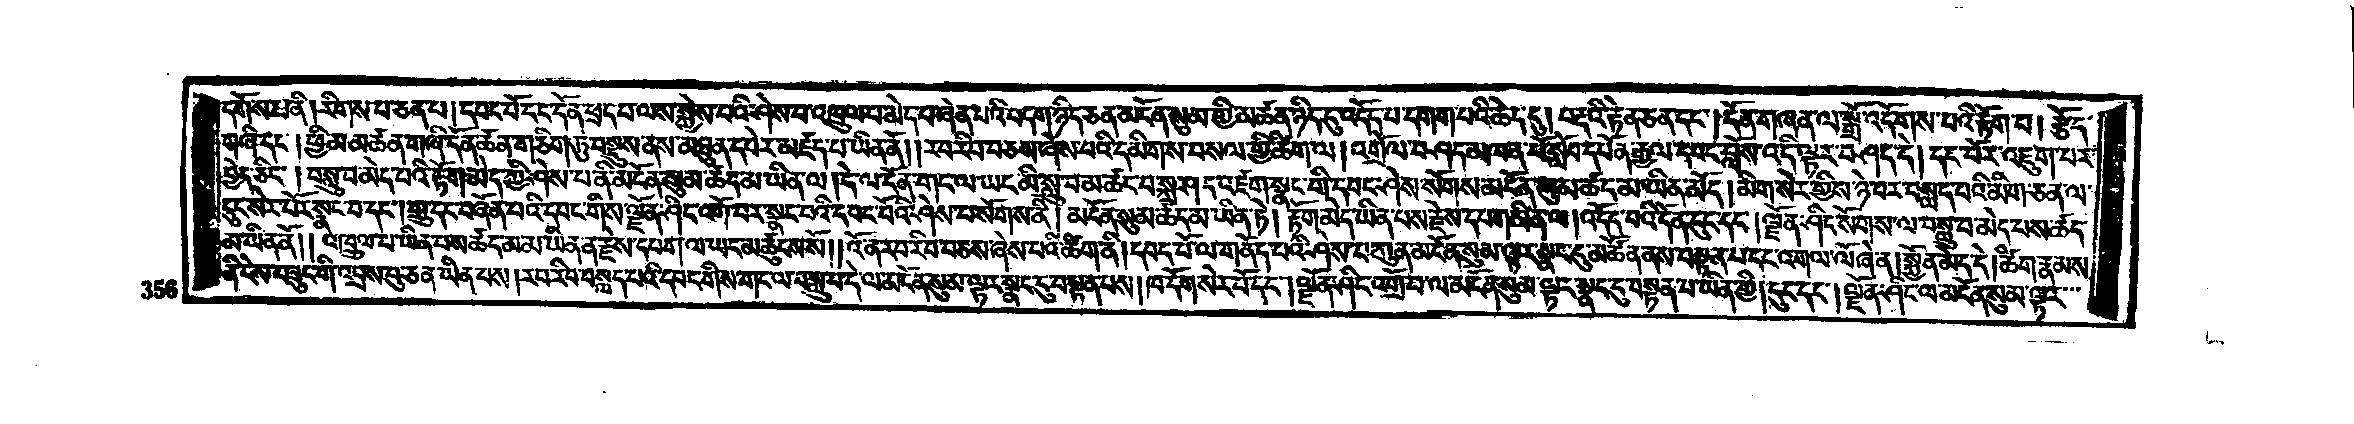དགོས་པ་ནི། རིགས་པ་ཅན་པ་། དབང་པོ་དང་དོན་ཕྲད་ཨ་ལས་སྐྱེས་པའི་ཤེས་པ་འཁྲུལ་བ་མེད་བཞིན་པའི་བདག་ཉིད་ཅན་མགོན་སུམ་གྱི་མཚན་ཉིད་དུ་འདོད་པ་དགག་པའི་ཆེད་དུ། བརྡའི་རྟེན་ཅན་དང་། དོན་གཞན་ལ་སྒྲོ་འདོགས་པའི་རྟོག་པ་། རྩོད་
གཞི་དང་། ཕྱི་མ་མཚན་གཞི་དོན་ཚན་གཅིག་ཏུ་བསྡུས་ནས་མཐུན་དཔེར་མཛད་པ་ཡིན་ནོ། །རབ་རིབ་བཅས་ཞེས་པའི་དམིགས་བསལ་གྱིས་ཚིག་ལ། འགྲོལ་བཤད་མཁན་པོ་སློབ་དཔོན་རྒྱལ་དབང་བློས་འདི་ལྟར་བཤད་དེ། དང་པོར་འཇུག་པར་
བྱེད་ཅིང་། བསླུ་བ་མེད་པའི་རྟོག་མེད་ཀྱི་ཤེས་པ་ནི་མངོན་སུམ་ཚད་མ་ཡིན་ལ། དེ་ལ་དོན་གང་ལ་ཡང་མི་སླུ་བ་མ་ཚང་བ་སྐྲ་ཤད་འཛག་སྣང་གི་དབང་ཤེས་སོགས་མངོན་སུམ་ཚད་མ་ཡིན་མོད། མིག་སེར་གྱིས་ཉེ་བར་བསླད་པའི་མིག་ཅན་ལ་
དུང་སེར་པོར་སྣང་བ་དང་། གྲུ་དང་བཞོན་པའི་དབང་གིས་ལྗོན་ཤིང་འགོ་བར་སྣང་བའི་དབང་པོའི་ཤེས་པ་སོགས་ནི། མངོན་སུམ་ཚད་མ་ཡིན་ཏེ། རྟོག་མེད་ཡིན་པས་རྗེས་དཔག་མིན་ལ། འདོད་པའི་དོན་དུང་དང་། ལྗོན་ཤིང་སོགས་ལབ་སླུ་བ་མེད་པས་ཚད་
མ་ཡིན་ནོ། །འཁྲུལ་པ་ཡིན་པས་ཚད་མ་ཡིན་ན་རྗེས་དཔག་ལ་ཡང་མཚུངས་སོ། །འོ་ན་རབ་རིབ་བཅས་ཞེས་པའི་ཚིག་ནི། དབང་པོ་ལ་གནོད་པའི་ཤེས་པ་ཀུན་མངོན་སུམ་ལྟར་སྣང་དུ་མཚོན་ནས་བསྟན་པ་དང་འགལ་ལོ་ཞེ་ན། སྐྱོན་མེད་དེ། ཚིག་རྣམས་
ནི་ངེས་བཟུང་གི་འབྲས་བུ་ཅན་ཡིན་པས། རབ་རིབ་བསླད་པའི་དབང་གིས་གང་ལ་བསླུ་པ་དེ་ལ་མངོན་སུམ་ལྟར་སྣང་དུ་བསྟན་པས། ཁ་དོག་སེར་པོ་དང་། ལྗོན་ཤིང་འགྲོ་བ་ལ་མངོན་སུམ་ལྟར་སྣང་དུ་བསྟན་པ་ཡིན་གྱི། དུང་དང་། ལྗོན་ཤིང་ལ་མངོན་སུམ་ལྟར་